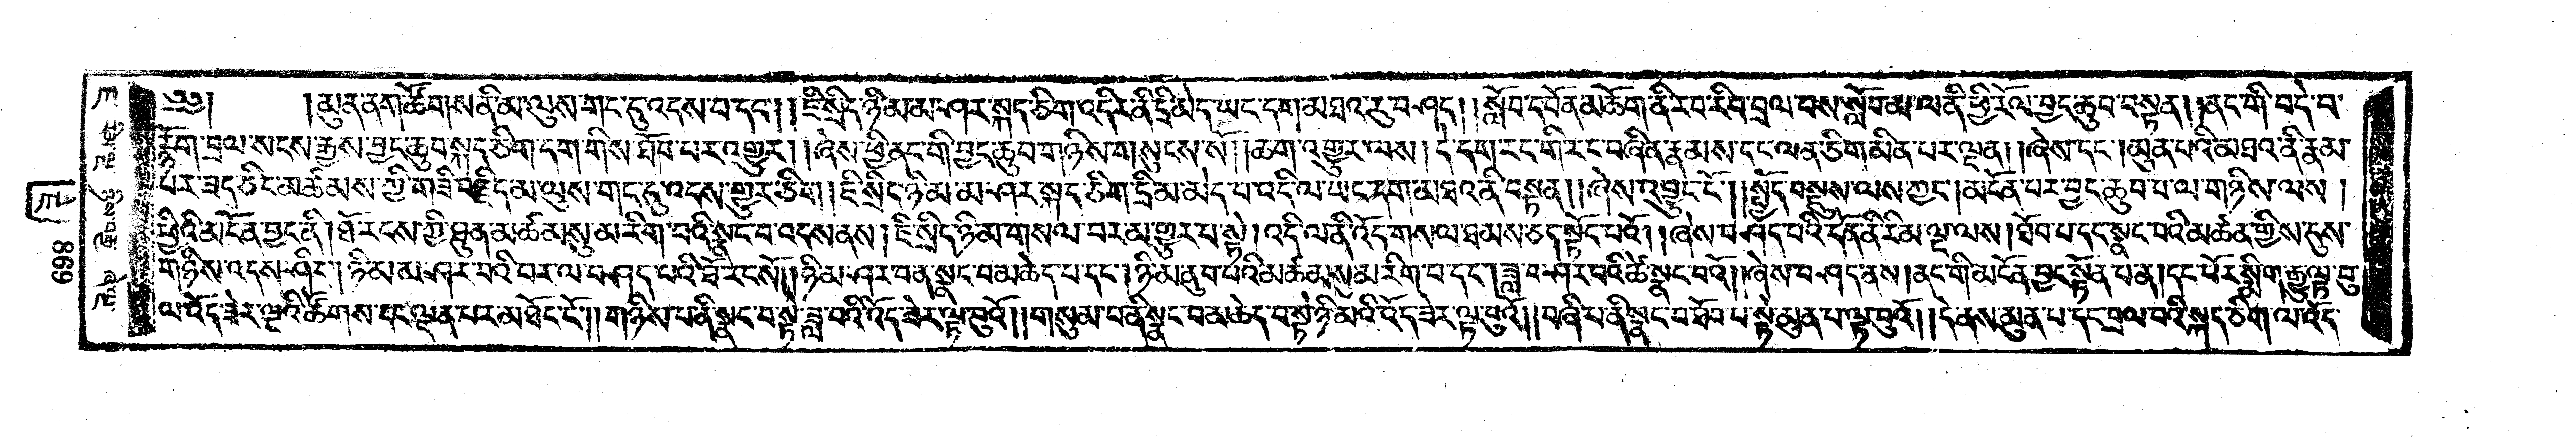༄༅། །མུན་ནག་ཚོགས་ནི་མ་ལུས་གང་དུ་འདས་པ་དང་། །ཇི་སྲིད་ཉི་མ་མ་ཤར་སྐད་ཅིག་འདིར་ནི་དྲི་མེད་ཡང་དག་མཐའ་རུ་བཤད། །སློབ་དཔོན་མཆོག་ནི་རབ་རིབ་བྲལ་བས་སློབ་མ་ལ་ནི་ཕྱི་རོལ་བྱང་ཆུབ་བསྟན། །ནང་གི་བདེ་བ་
རྙོག་བྲལ་སངས་རྒྱས་བྱང་ཆུབ་སྐད་ཅིག་དག་གིས་ཐོབ་པར་འགྱུར། །ཞེས་ཕྱི་ནང་གི་བྱང་ཆུབ་གཉིས་གསུངས་སོ། །ཆག་འགྱུར་ལས། དེ་དག་རང་གི་རང་བཞིན་རྣམས་དང་ལན་ཅིག་མིན་པར་ལྡན། །ཞེས་དང་། མུན་པའི་མཐའ་ནི་རྣམ་
པར་ཟད་ཅིང་མཚམས་ཀྱི་གཟི་བརྗིད་མ་ལུས་གང་དུ་འདས་གྱུར་ཅིག །ཇི་སྲིད་ཉི་མ་མ་ཤར་སྐད་ཅིག་དྲི་མ་མེད་པ་འདི་ལ་ཡང་དག་མཐའ་ནི་བསྟན། །ཞེས་འབྱུང་ངོ། །སྤྱོད་བསྡུས་ལས་ཀྱང་། མངོན་པར་བྱང་ཆུབ་པ་ལ་གཉིས་ལས།
ཕྱིའི་མངོན་བྱང་ནི། ཐོ་རངས་ཀྱི་ཐུན་མཚམས་སུ་མ་རིག་པའི་སྣང་བ་འདས་ནས། ཇི་སྲིད་ཉི་མ་གསལ་བར་མ་གྱུར་པ་སྟེ། འདི་ལ་ནི་འོད་གསལ་ཐམས་ཅད་སྟོང་པའོ། །ཞེས་བཤད་པའི་དོན་ནི་རིམ་ལྔ་ལས། ཐོབ་པ་དང་སྣང་བའི་མཚན་གྱིས་དུས་
གཉིས་འདས་ཤིང་། ཉི་མ་མ་ཤར་བའི་བར་ལ་བཤད་པའི་ཐོ་རངས་སོ། །ཉི་མ་ཤར་བ་ན་སྣང་བ་མཆེད་པ་དང་། ཉི་མ་ནུབ་པའི་མཚམས་སུ་མ་རིག་པ་དང་། ཟླ་བ་ཤར་བའི་ཚེ་སྣང་བའོ། །ཞེས་བཤད་ནས། ནང་གི་མངོན་བྱང་སྟོན་པ་ན། དང་པོར་སྨིག་རྒྱུ་ལྟ་བུ་
ལ་འོད་ཟེར་ལྔའི་ཚོགས་དང་ལྡན་པར་མཐོང་ངོ། །གཉིས་པ་ནི་སྣང་བ་སྟེ་ཟླ་བའི་འོད་ཟེར་ལྟ་བུའོ། །གསུམ་པ་ནི་སྣང་བ་མཆེད་པ་སྟེ་ཉི་མའི་འོད་ཟེར་ལྟ་བུའོ། །བཞི་པ་ནི་སྣང་བ་ཐོབ་པ་སྟེ་མུན་པ་ལྟ་བུའོ། །དེ་ནས་མུན་པ་དང་བྲལ་བའི་སྐད་ཅིག་ལ་འོད་